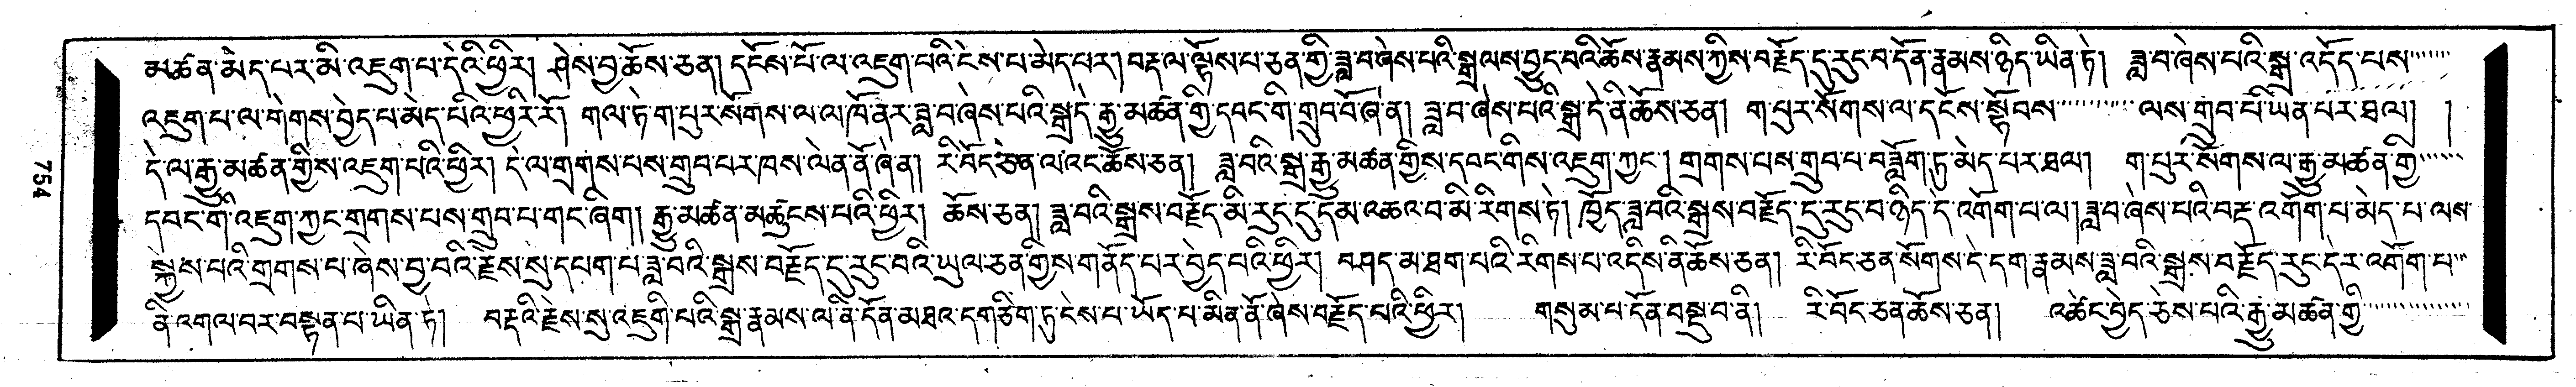མཚན་མེད་པར་མི་འཇུག་པ་དེའི་ཕྱིར། ཤེས་བྱ་ཆོས་ཅན། དངོས་པོ་ལ་འཇུག་པའི་ངེས་པ་མེད་པར། བརྡལ་ལྟོས་པ་ཅན་གྱི་ཟླ་བ་ཞེས་པའི་སྒྲ་ལས་བྱུང་བའི་ཆོས་རྣམས་ཀྱིས་བརྗོད་དུ་རུང་བ་དོན་རྣམས་ཉིད་ཡིན་ཏེ། ཟླ་བ་ཞེས་པའི་སྒྲ་འདོད་པས་
འཇུག་པ་ལ་གེགས་བྱེད་པ་མེད་པའི་ཕྱིར་རོ། གལ་ཏེ་ག་པུར་སོགས་ལ་ལ་ཁོ་ནར་ཟླ་བ་ཞེས་པའི་སྒྲ་དེ་རྒྱུ་མཚན་གྱི་དབང་གི་གྲུབ་བོ་ཞེ་ན། ཟླ་བ་ཞེས་པའི་སྒྲ་དེ་ནི་ཆོས་ཅན། ག་པུར་སོགས་ལ་དངོས་སྟོབས་ལས་གྲུབ་པ་ཡིན་པར་ཐལ། །
དེ་ལ་རྒྱུ་མཚན་གྱིས་འཇུག་པའི་ཕྱིར། དེ་ལ་གྲགས་པས་གྲུབ་པར་ཁས་ལེན་ནོ་ཞེ་ན། རི་བོང་ཅན་ལའང་ཆོས་ཅན། ཟླ་བའི་སྒྲ་རྒྱུ་མཚན་གྱིས་དབང་གིས་འཇུག་ཀྱང་། གྲགས་པས་གྲུབ་པ་བཟློག་ཏུ་མེད་པར་ཐལ། ག་པུར་སོགས་ལ་རྒྱུ་མཚན་གྱི་
དབང་གི་འཇུག་ཀྱང་གྲགས་པས་གྲུབ་པ་གང་ཞིག། རྒྱུ་མཚན་མཚུངས་པའི་ཕྱིར། ཆོས་ཅན། ཟླ་བའི་སྒྲས་བརྗོད་མི་རུང་དུ་དམ་འཆའ་བ་མི་རིགས་ཏེ། ཁྱོད་ཟླ་བའི་སྒྲས་བརྗོད་དུ་རུང་བ་ཉིད་དེ་འགོག་པ་ལ། ཟླ་བ་ཞེས་པའི་བརྡ་འགོག་པ་མེད་པ་ལས་
སྐྱེས་པའི་གྲགས་པ་ཞེས་བྱ་བའི་རྗེས་སུ་དཔག་པ་ཟླ་བའི་སྒྲས་བརྗོད་དུ་རུང་བའི་ཡུལ་ཅན་གྱིས་གནོད་པར་བྱེད་པའི་ཕྱིར། བཤད་མ་ཐག་པའི་རིགས་པ་འདིས་ནི་ཆོས་ཅན། རི་བོང་ཅན་སོགས་དེ་དག་རྣམས་ཟླ་བའི་སྒྲས་བརྗོད་རུང་དེར་འགོག་པ་
ནི་འགལ་བར་བསྟན་པ་ཡིན་ཏེ། བརྡའི་རྗེས་སུ་འཇུག་པའི་སྒྲ་རྣམས་ལ་ནི་དོན་མཐའ་དག་ཅིག་ཏུ་ངེས་པ་ཡོད་པ་མིན་ནོ་ཞེས་བརྗོད་པའི་ཕྱིར། གསུམ་པ་དོན་བསྡུ་བ་ནི། རི་བོང་ཅན་ཆོས་ཅན། འཚེང་བྱེད་ཅེས་པའི་རྒྱུ་མཚན་གྱི་